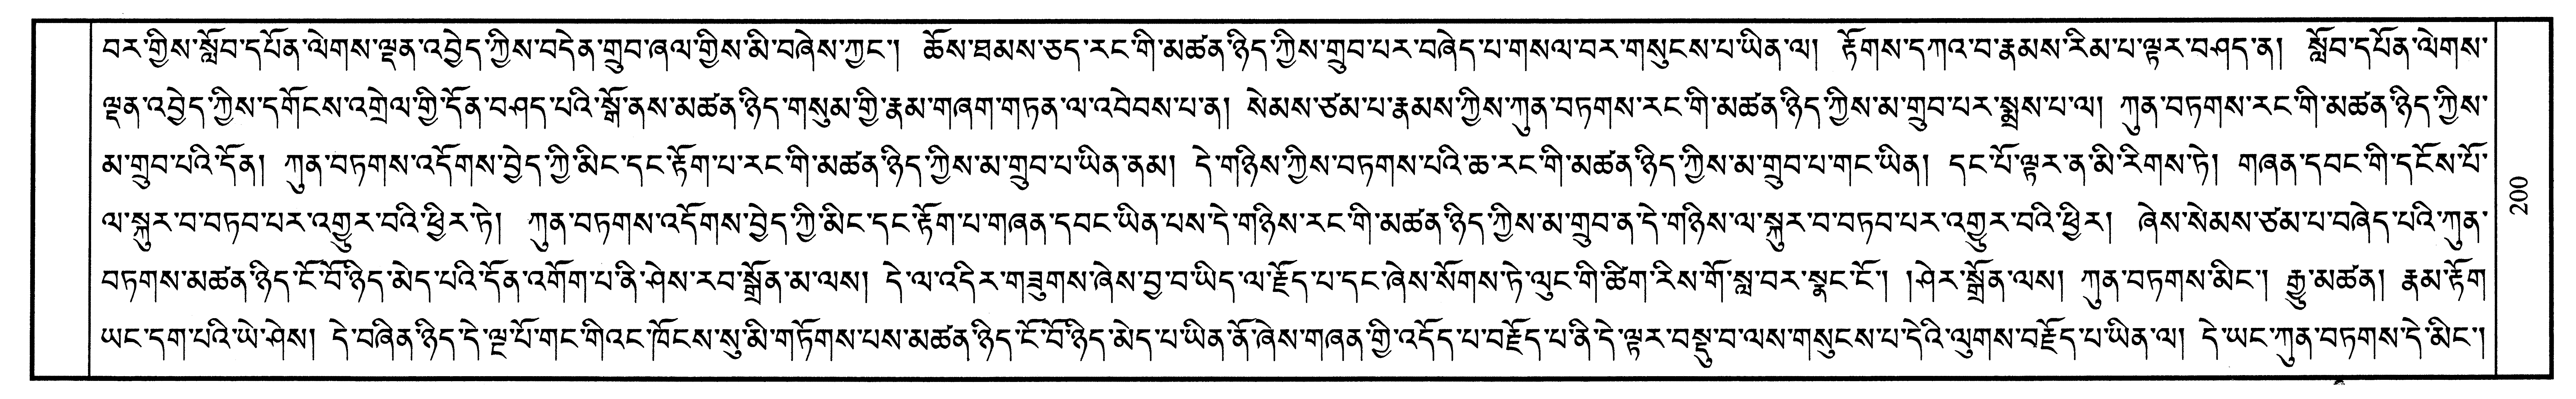བར་གྱིས་སློབ་དཔོན་ལེགས་ལྡན་འབྱེད་ཀྱིས་བདེན་གྲུབ་ཞལ་གྱིས་མི་བཞེས་ཀྱང་། ཆོས་ཐམས་ཅད་རང་གི་མཚན་ཉིད་ཀྱིས་གྲུབ་པར་བཞེད་པ་གསལ་བར་གསུངས་པ་ཡིན་ལ། རྟོགས་དཀའ་བ་རྣམས་རིམ་པ་ལྟར་བཤད་ན། སློབ་དཔོན་ལེགས་
ལྡན་འབྱེད་ཀྱིས་དགོངས་འགྲེལ་གྱི་དོན་བཤད་པའི་སྒོ་ནས་མཚན་ཉིད་གསུམ་གྱི་རྣམ་གཞག་གཏན་ལ་འབེབས་པ་ན། སེམས་ཙམ་པ་རྣམས་ཀྱིས་ཀུན་བཏགས་རང་གི་མཚན་ཉིད་ཀྱིས་མ་གྲུབ་པར་སྨྲས་པ་ལ། ཀུན་བཏགས་རང་གི་མཚན་ཉིད་ཀྱིས་
མ་གྲུབ་པའི་དོན། ཀུན་བཏགས་འདོགས་བྱེད་ཀྱི་མིང་དང་རྟོག་པ་རང་བཞིན་ཉིད་ཀྱིས་མ་གྲུབ་པ་ཡིན་ནམ། དེ་གཉིས་ཀྱིས་བཏགས་པའི་ཆ་རང་གི་མཚན་ཉིད་ཀྱིས་མ་གྲུབ་པ་གང་ཡིན། དང་པོ་ལྟར་ན་མི་རིགས་ཏེ། གཞན་དབང་གི་དངོས་པོ་
ལ་སྐུར་བ་བཏབ་པར་འགྱུར་བའི་ཕྱིར་ཏེ། ཀུན་བཏགས་འདོགས་བྱེད་ཀྱི་མིང་དང་རྟོག་པ་གཞན་དབང་ཡིན་པས་དེ་གཉིས་རང་གི་མཚན་ཉིད་ཀྱིས་མ་གྲུབ་ན་དེ་གཉིས་ལ་སྐུར་བཏབ་པར་འགྱུར་བའི་ཕྱིར། ཞེས་སེམས་ཙམ་པ་བཞེད་པའི་ཀུན་
བཏགས་མཚན་ཉིད་ངོ་བོ་ཉིད་མེད་པའི་དོན་འགོག་པ་ནི་ཤེས་རབ་སྒྲོན་མ་ལས། དེ་ལ་འདིར་གཟུགས་ཞེས་བྱ་བ་ལ་ཡིད་ལ་རྗོད་པ་དང་ཞེས་སོགས་ཏེ་ལུང་གི་ཚིག་རིས་གོ་སླ་བར་སྣང་ངོ། །ཤེར་སྒྲོན་ལས། ཀུན་བཏགས་མིང་། རྒྱུ་མཚན། རྣམ་རྟོག་
ཡང་དག་པའི་ཡེ་ཤེས། དེ་བཞིན་ཉིད་དེ་ལྔ་པོ་གང་གིའང་ཁོངས་སུ་མི་གཏོགས་པས་མཚན་ཉིད་ངོ་བོ་ཉིད་མེད་པ་ཡིན་ནོ་ཞེས་གཞན་གྱི་འདོད་པ་བརྗོད་པ་ནི་དེ་ལྟར་བསྡུ་བ་ལས་གསུངས་པ་དེའི་ལུགས་བརྗོད་པ་ཡིན་ལ། དེ་ཡང་ཀུན་བཏགས་དེ་མིང་།